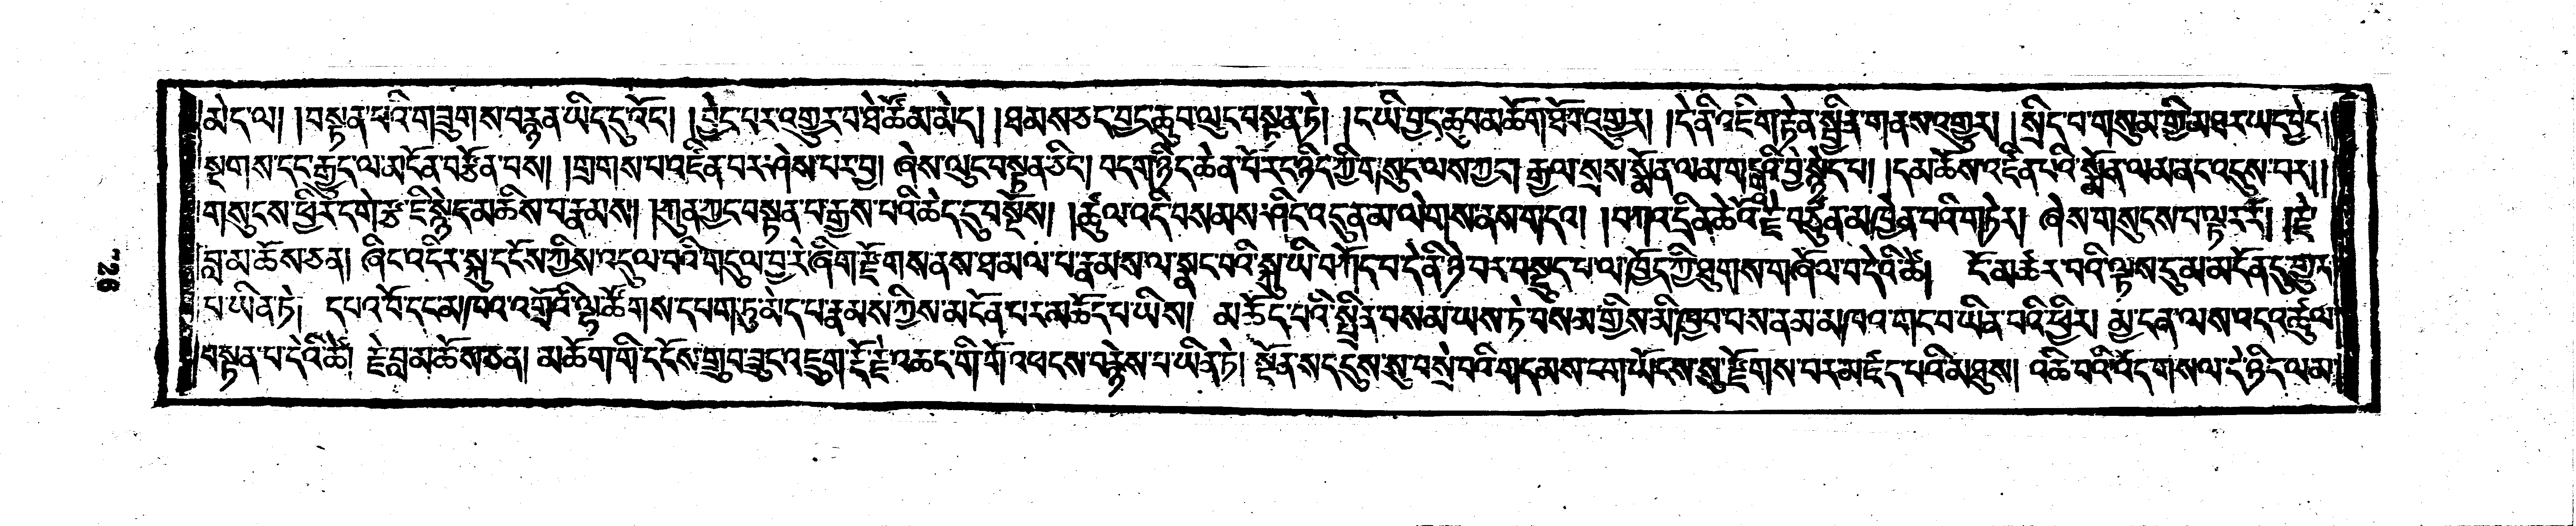མེད་ལ། །བསྟན་པའི་གཟུགས་བརྙན་ཡིད་དུ་འོང་། །བྱེད་པར་འགྱུར་བ་ཐེ་ཚོམ་མེད། །ཐམས་ཅད་བྱང་ཆུབ་ལུང་བསྟན་ཏེ། །ང་ཡི་བྱང་ཆུབ་མཆོག་ཐོབ་འགྱུར། །དེ་ནི་འཇིག་རྟེན་སྦྱིན་གནས་འགྱུར། །སྲིད་པ་གསུམ་གྱི་མཐར་ཡང་བྱེད། །
སྔགས་དང་རྒྱུད་ལ་མངོན་བརྩོན་པས། །གྲགས་པ་འཛིན་པར་ཤེས་པར་བྱ། ཞེས་ལུང་བསྟན་ཅིང་། བདག་ཉིད་ཆེན་པོ་རང་ཉིད་ཀྱི་གསུང་ལས་ཀྱང་། རྒྱལ་སྲས་སྨོན་ལམ་གངྒཱིའི་བྱེ་སྙེད་པ། །དམ་ཆོས་འཛིན་པའི་སྨོན་ལམ་ནང་འདུས་པར། །
གསུངས་ཕྱིར་དགེ་རྩ་ཇི་སྙེད་མཆིས་པ་རྣམས། །ཀུན་ཀྱང་བསྟན་པ་རྒྱས་པའི་ཆེད་དུ་བསྔོས། །ཚུལ་འདི་བསམས་ཤིང་འདུན་མ་ལེགས་ནས་གདའ། །བཀའ་དྲིན་ཆེའོ་རྗེ་བཙུན་མཁྱེན་པའི་གཏེར། ཞེས་གསུངས་པ་ལྟར་རོ། །རྗེ་
བླ་མ་ཆོས་ཅན། ཞིང་འདིར་སྐུ་དངོས་ཀྱིས་འདུལ་བའི་གདུལ་བྱ་རེ་ཞིག་རྫོགས་ནས་ཐ་མལ་པ་རྣམས་ལ་སྣང་བའི་སྐུ་ཡི་བཀོད་པ་དེ་ནི་ཉེ་བར་བསྡུད་པ་ལ་ཁྱོད་ཀྱི་ཐུགས་གཞོལ་བ་དེའི་ཚེ། ངོ་མཚར་བའི་ལྟས་དུ་མ་མངོན་དུ་གྱུར་
པ་ཡིན་ཏེ། དཔའ་བོ་དང་མཁའ་འགྲོའི་ལྷ་ཚོགས་དཔག་ཏུ་མེད་པ་རྣམས་ཀྱིས་མངོན་པར་མཆོད་པ་ཡིས། མཆོད་པའི་སྤྲིན་བསམ་ཡས་ཏེ་བསམ་གྱིས་མི་ཁྱབ་པས་ནམ་མཁའ་གང་བ་ཡིན་པའི་ཕྱིར། མྱ་ངན་ལས་འདའ་ཚུལ་
བསྟན་པ་དེའི་ཚེ། རྗེ་བླ་མ་ཆོས་ཅན། མཆོག་གི་དངོས་གྲུབ་ཟུང་འཇུག་རྡོ་རྗེ་འཆང་གི་གོ་འཕངས་བརྙེས་པ་ཡིན་ཏེ། སྔོན་སད་དུས་སུ་བསྲེ་བའི་གདམས་ངག་ཡོངས་སུ་རྫོགས་པར་མཛད་པའི་མཐུས། འཆི་བའི་འོད་གསལ་དེ་ཉིད་ལམ་